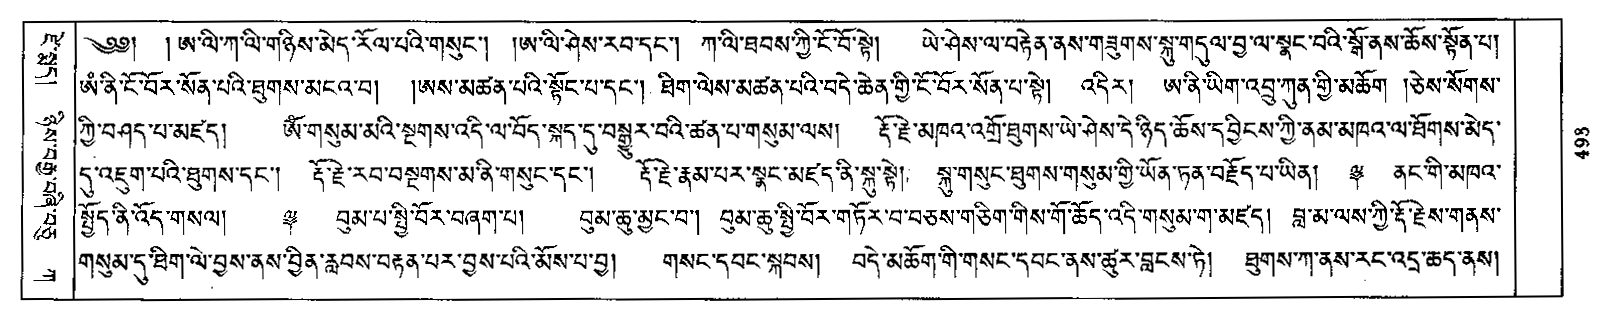༄༅། །ཨ་ལི་ཀ་ལི་གཉིས་མེད་རོལ་པའི་གསུང་། །ཨ་ལི་ཤེས་རབ་དང་། ཀ་ལི་ཐབས་ཀྱི་ངོ་བོ་སྟེ། ཡེ་ཤེས་ལ་བརྟེན་ནས་གཟུགས་སྐུ་གདུལ་བྱ་ལ་སྣང་བའི་སྒོ་ནས་ཆོས་སྟོན་པ།
ཨཾ་ནི་ངོ་བོར་སོན་པའི་ཐུགས་མངའ་བ། །ཨས་མཚན་པའི་སྟོང་པ་དང་། ཐིག་ལེས་མཚན་པའི་བདེ་ཆེན་གྱི་ངོ་བོར་སོན་པ་སྟེ། འདིར། ཨ་ནི་ཡིག་འབྲུ་ཀུན་གྱི་མཆོག །ཅེས་སོགས་
ཀྱི་བཤད་པ་མཛད། ཨོཾ་གསུམ་མའི་སྔགས་འདི་ལ་བོད་སྐད་དུ་བསྒྱུར་བའི་ཚན་པ་གསུམ་ལས། རྡོ་རྗེ་མཁའ་འགྲོ་ཐུགས་ཡེ་ཤེས་དེ་ཉིད་ཆོས་དབྱིངས་ཀྱི་ནམ་མཁའ་ལ་ཐོགས་མེད་
དུ་འཇུག་པའི་ཐུགས་དང་། རྡོ་རྗེ་རབ་བསྔགས་མ་ནི་གསུང་དང་། རྡོ་རྗེ་རྣམ་པར་སྣང་མཛད་ནི་སྐུ་སྟེ། སྐུ་གསུང་ཐུགས་གསུམ་གྱི་ཡོན་ཏན་བརྗོད་པ་ཡིན། ༈ ནང་གི་མཁའ་
སྤྱོད་ནི་འོད་གསལ། ༈ བུམ་པ་སྤྱི་བོར་བཞག་པ། བུམ་ཆུ་མྱང་བ། བུམ་ཆུ་སྤྱི་བོར་གཏོར་བ་བཅས་གཅིག་གིས་གོ་ཆོད་འདི་གསུམ་ག་མཛད། བླ་མ་ལས་ཀྱི་རྡོ་རྗེས་གནས་
གསུམ་དུ་ཐིག་ལེ་བྱས་ནས་བྱིན་རླབས་བརྟན་པར་བྱས་པའི་མོས་པ་བྱ། གསང་དབང་སྐབས། བདེ་མཆོག་གི་གསང་དབང་ནས་ཚུར་བླངས་ཏེ། ཐུགས་ཀ་ནས་རང་འདྲ་ཆད་ནས།